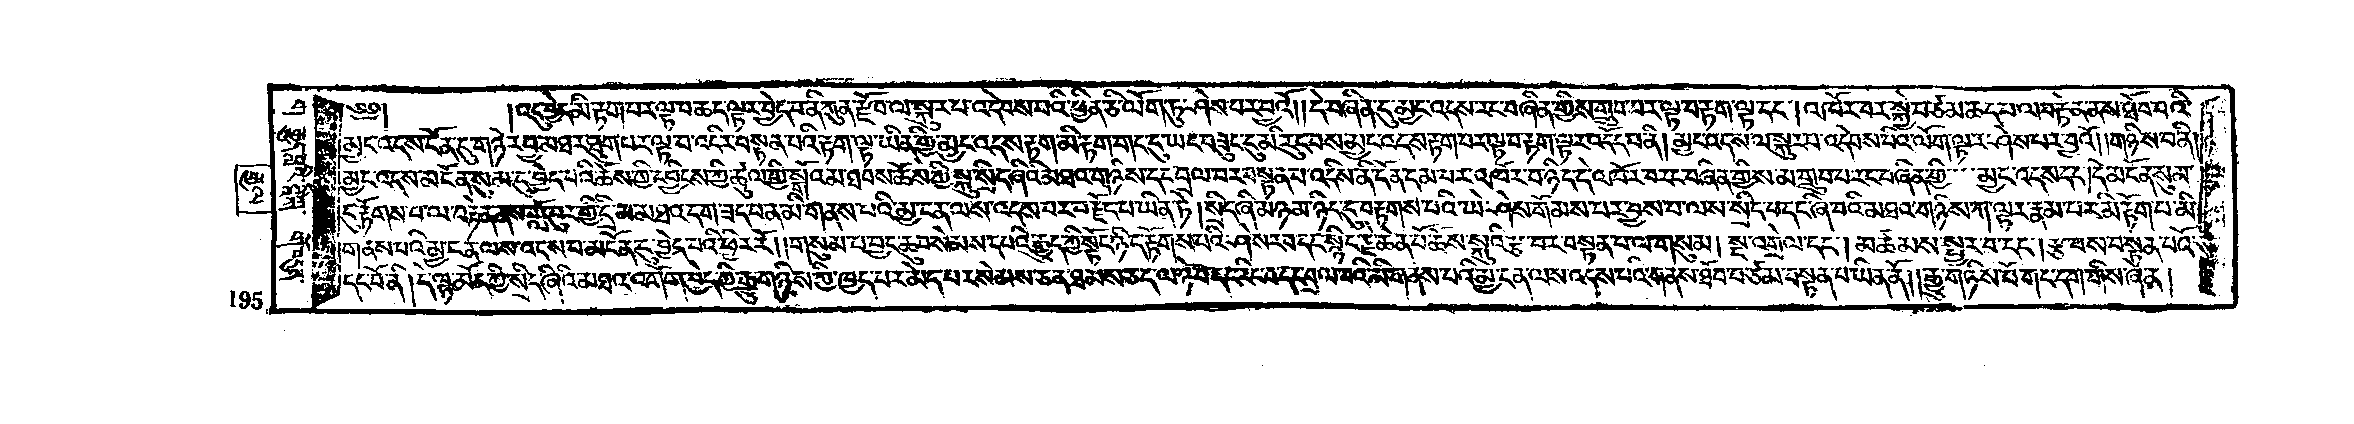༄༅། །འདུ་བྱེད་མི་རྟག་པར་ལྟ་བ་ཆད་ལྟར་བྱེད་པ་ནི་ཀུན་རྫོབ་ལ་སྐུར་བ་འདེབས་པའི་ཕྱིན་ཅི་ལོག་ཏུ་ཤེས་པར་བྱའོ། །དེ་བཞིན་དུ་མྱང་འདས་རང་བཞིན་གྱིས་གྲུབ་པར་ལྟ་བ་རྟག་ལྟ་དང་། འཁོར་བར་སྐྱེ་བ་ཙམ་ཆད་པ་ལ་བརྟེན་ནས་ཐོབ་པའི་
མྱང་འདས་དོན་དུ་གཉེར་བྱ་མཐར་ཐུག་པར་ལྟ་བ་འདིར་བསྟན་པའི་རྟག་ལྟ་ཡིན་གྱི་མྱང་འདས་རྟག་མི་རྟག་གང་དུ་ཡང་བཟུང་དུ་མི་རུང་བས་མྱང་འདས་རྟག་པར་ལྟ་བ་རྟག་ལྟར་འདོད་པ་ནི། མྱང་འདས་ལ་སྐུར་བ་འདེབས་པའི་ལོག་ལྟར་ཤེས་པར་བྱའོ། །གཉིས་པ་ནི།
མྱང་འདས་མངོན་སུམ་དུ་བྱེད་པའི་ཆོས་ཀྱི་དབྱིངས་ཀྱི་ཚུལ་གྱི་སྒོའམ་ཐབས་ཆོས་ཀྱི་སྐུ་སྲིད་ཞིའི་མཐའ་གཉིས་དང་བྲལ་བར་བསྟན་པ་འདིས་ནི་དོན་དམ་པར་འཁོར་བ་ཉིད་དེ་འཁོར་བ་རང་བཞིན་གྱིས་མ་གྲུབ་པ་རང་བཞིན་གྱི་མྱང་འདས་དང་། དེ་མངོན་སུམ་
དུ་རྟོགས་པ་ལ་བརྟེན་ནས་གློ་བུར་གྱི་དྲི་མ་མཐའ་དག་ཟད་པ་ན་མི་གནས་པའི་མྱ་ངན་ལས་འདས་པར་བརྗོད་པ་ཡིན་ཏེ། སྲིད་ཞི་མཉམ་ཉིད་དུ་བརྟགས་པའི་ཡེ་ཤེས་གོམས་པར་བྱས་པ་ལས་སྲིད་པ་དང་ཞི་བའི་མཐའ་གཉིས་ཀ་ལྟར་རྣམ་པར་མི་རྟོག་པ་མི་
གནས་པའི་མྱ་ངན་ལས་འདས་པ་མངོན་དུ་བྱེད་པའི་ཕྱིར་རོ། །གསུམ་པ་བྱང་ཆུབ་སེམས་དཔའི་རྒྱུད་ཀྱི་སྟོང་ཉིད་རྟོགས་པའི་ཤེས་རབ་དང་སྙིང་རྗེ་ཆེན་པོ་ཆོས་སྐུའི་རྩ་བར་བསྟན་པ་ལ་གསུམ། སྔ་འགྲེལ་དང་། མཚམས་སྦྱར་བ་དང་། རྩ་བས་བསྟན་པའོ། །
དང་པོ་ནི། དེ་ལྟ་མོད་ཀྱི་སྲིད་ཞིའི་མཐའ་འགོག་བྱེད་ཀྱི་རྒྱུ་གཉིས་ཀྱི་ཁྱད་པར་མེད་པར་སེམས་ཅན་ཐམས་ཅད་ལ་ཉེ་བ་དང་རིང་བ་དང་བྲལ་བའི་མི་གནས་པའི་མྱ་ངན་ལས་འདས་པའི་གནས་ཐོབ་པ་ཙམ་བསྟན་པ་ཡིན་ནོ། །རྒྱུ་གཉིས་པོ་གང་དག་གིས་ཞེ་ན།